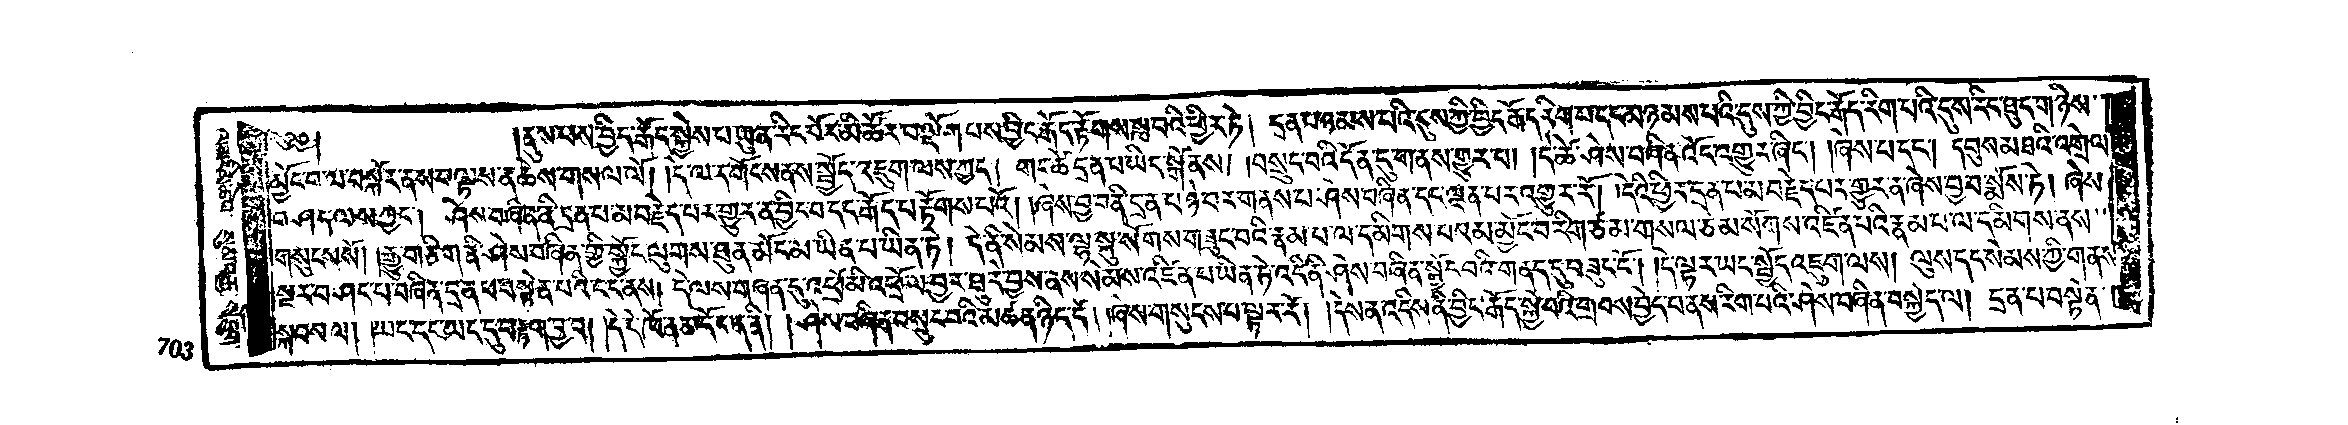༄༅། །ནུས་པས་བྱིང་རྒོད་སྐྱེས་པ་ཡུན་རིང་པོར་མི་ཚོར་བ་ལྡོག་པས་བྱིང་རྒོད་རྟོགས་སླ་བའི་ཕྱིར་ཏེ། དྲན་པ་ཉམས་པའི་དུས་ཀྱི་བྱིང་རྒོད་རིག་པ་དང་མ་ཉམས་པའི་དུས་ཀྱི་བྱིང་རྒོད་རིག་པའི་དུས་རིང་ཐུང་གཉིས་
མྱོང་བ་ལ་བསྐོར་ནས་བལྟས་ན་ཆེས་གསལ་ལོ། །དེ་ལ་དགོངས་ནས་སྤྱོད་འཇུག་ལས་ཀྱང་། གང་ཚེ་དྲན་པ་ཡིད་སྒོ་ནས། །བསྲུང་བའི་དོན་དུ་གནས་གྱུར་པ། །དེ་ཚེ་ཤེས་བཞིན་འོང་འགྱུར་ཞིང་། །ཞེས་པ་དང་། དབུས་མཐའི་འགྲེལ་
བཤད་ལས་ཀྱང་། ཤེས་བཞིན་ནི་དྲན་པ་མ་བརྗེད་པར་གྱུར་ན་བྱིང་བ་དང་རྒོད་པ་རྟོགས་པའོ། །ཞེས་བྱ་བ་ནི་དྲན་པ་ཉེ་བར་གནས་པ་ཤེས་བཞིན་དང་ལྡན་པར་འགྱུར་རོ། །དེའི་ཕྱིར་དྲན་པ་མ་བརྗེད་པར་གྱུར་ན་ཞེས་བྱ་བ་སྨོས་ཏེ། ཞེས་
གསུངས་སོ། །རྒྱུ་གཅིག་ནི་ཤེས་བཞིན་གྱི་སྐྱོང་ལུགས་ཐུན་མོང་མ་ཡིན་པ་ཡིན་ཏེ། དེ་ནི་སེམས་ལྷ་སྐུ་སོགས་གཟུང་བའི་རྣམ་པ་ལ་དམིགས་པའམ་མྱོང་བ་རིག་ཙམ་གསལ་ཙམ་སོགས་འཛིན་པའི་རྣམ་པ་ལ་དམིགས་ནས་
སྔར་བཤད་པ་བཞིན་དྲན་པ་བསྟེན་པའི་ངང་ནས། དེ་ལས་གཞན་དུ་འཕྲོ་མི་འཕྲོ་ལ་བྱ་ར་ཐུ་རེ་བྱས་ནས་སེམས་འཛིན་པ་ཡིན་ཏེ་འདི་ནི་ཤེས་བཞིན་སྐྱོང་བའི་གནད་དུ་བཟུང་ངོ། །དེ་ལྟར་ཡང་སྤྱོད་འཇུག་ལས། ལུས་དང་སེམས་ཀྱི་གནས་
སྐབས་ལ། །ཡང་དང་ཡང་དུ་བརྟག་བྱ་བ། །དེ་དེ་ཁོ་ན་མདོར་ན་ནི། །ཤེས་བཞིན་བསྲུང་བའི་མཚན་ཉིད་དོ། །ཞེས་གསུངས་པ་ལྟར་རོ། །དེས་ན་འདིས་ནི་བྱིང་རྒོད་སྐྱེ་བའི་གྲབས་བྱེད་པ་ནས་རིག་པའི་ཤེས་བཞིན་བསྐྱེད་ལ། དྲན་པ་བསྟེན་